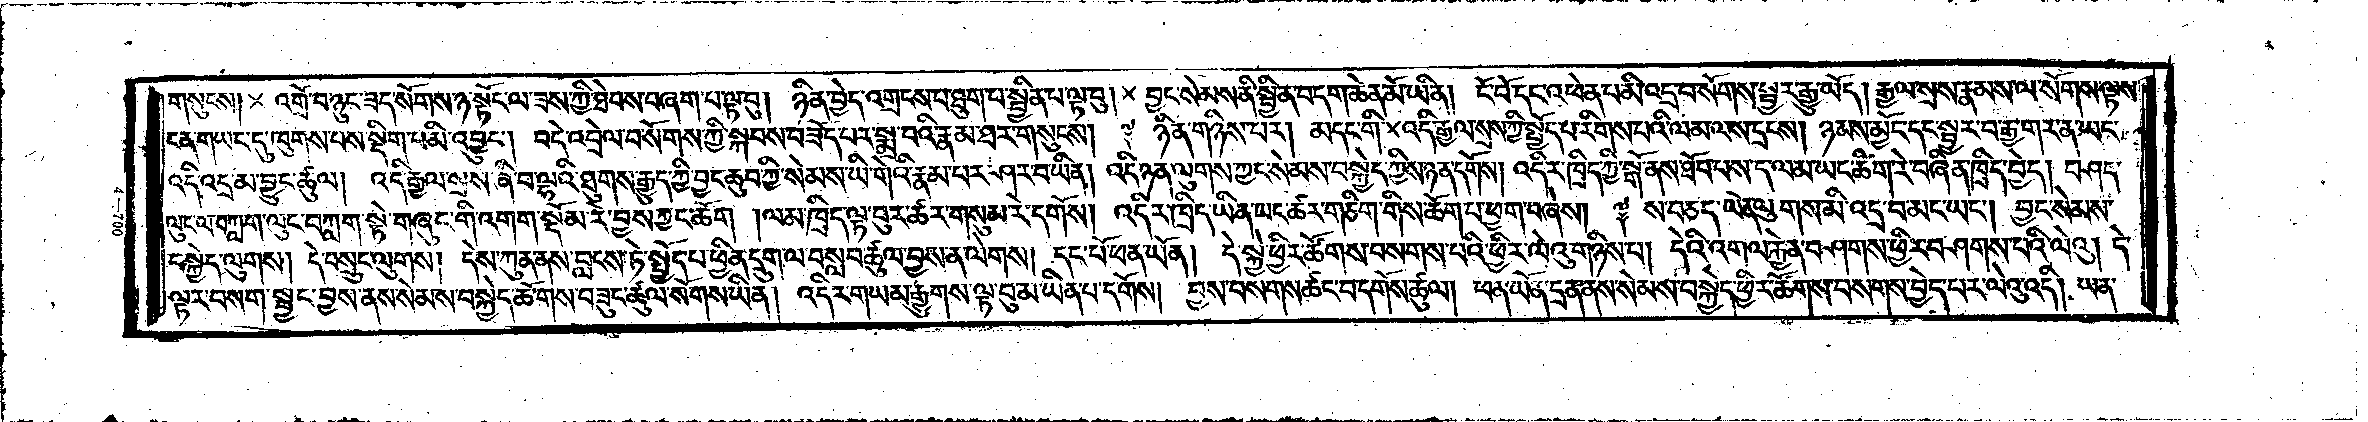གསུངས། ྾་འགྲོ་བ་ཉུང་ཟད་སོགས་ཉ་སྟོང་ལ་ཟས་ཀྱི་ཐེབས་བཞག་པ་ལྟ་བུ། ཉིན་བྱེད་འགྲངས་པ་ཐུག་པ་སྦྱིན་པ་ལྟ་བུ། ྾་བྱང་སེམས་ནི་སྦྱིན་བདག་ཆེན་མོ་ཡིན། ངོ་བོ་དང་འཕེན་པ་མི་འདྲ་བ་སོགས་སྦྱར་རྒྱུ་ཡོད། རྒྱལ་སྲས་རྣམས་ལ་སོགས་ལྟས་
ངན་གཡང་དུ་ཁུགས་པས་སྡིག་པ་མི་འབྱུང་། བདེ་འབྲེལ་བ་སོགས་ཀྱི་སྐབས་བཟོད་པར་སྨྲ་བའི་རྣམ་ཐར་གསུངས། ༈ ཉིན་གཉིས་པར། མདང་གི་྾་འདི་རྒྱལ་སྲས་ཀྱི་སྤྱོད་པ་རིགས་པའི་ལམ་ལས་དྲངས། ཉམས་མྱོང་དང་སྦྱར་བ་རྒྱ་གར་ན་ཡང་
འདི་འདྲ་མ་བྱུང་ཚུལ། འདི་རྒྱལ་སྲས་ཞི་བ་ལྷའི་ཐུགས་རྒྱུད་ཀྱི་བྱང་ཆུབ་ཀྱི་སེམས་ཡི་གེའི་རྣམ་པར་ཤར་བ་ཡིན། འདི་ཉན་ལུགས་ཀྱང་སེམས་བསྐྱེད་ཀྱིས་ཉན་དགོས། འདིར་ཁྲིད་ཀྱི་སྒོ་ནས་ཐོབ་པས་ད་ལམ་ཡང་ཚིག་རེ་བཞིན་ཁྲིད་བྱེད། བཤད་
ལུང་ལ་བཀླག་ལུང་བཀླག་སྟེ་གཞུང་གི་འགག་སྡོམ་རེ་བྱས་ཀྱང་ཆོག །ལམ་ཁྲིད་ལྟ་བུར་ཚར་གསུམ་རེ་དགོས། འདིར་ཁྲིད་ཡིན་ཡང་ཚར་གཅིག་གིས་ཆོག་པ་ཕྱག་བཞེས། ༈ ས་བཅད་ལེན་ལུགས་མི་འདྲ་བ་མང་ཡང་། བྱང་སེམས་
བསྐྱེད་ལུགས། དེ་བསྲུང་ལུགས། དེས་ཀུན་ནས་བླངས་ཏེ་སྤྱོད་པ་ཕྱིན་དྲུག་ལ་བསླབ་ཚུལ་བྱས་ན་ལེགས། དང་པོ་ཕན་ཡོན། དེ་སྐྱེ་ཕྱིར་ཚོགས་བསགས་པའི་ཕྱིར་ལེའུ་གཉིས་པ། དེའི་འགལ་རྐྱེན་བཤགས་ཕྱིར་བཤགས་པའི་ལེའུ། དེ་
ལྟར་བསག་སྦྱང་བྱས་ནས་སེམས་བསྐྱེད་ཚོགས་བཟུང་ཚུལ་སོགས་ཡིན། འདིར་གཡམ་རྒྱུགས་ལྟ་བུ་མ་ཡིན་པ་དགོས། བྱས་བསགས་ཚང་བ་དགོས་ཚུལ། ཕན་ཡོན་དྲན་ནས་སེམས་བསྐྱེད་ཕྱིར་ཚོགས་བསགས་བྱེད་པར་ལེའུ་འདི། ཡན་